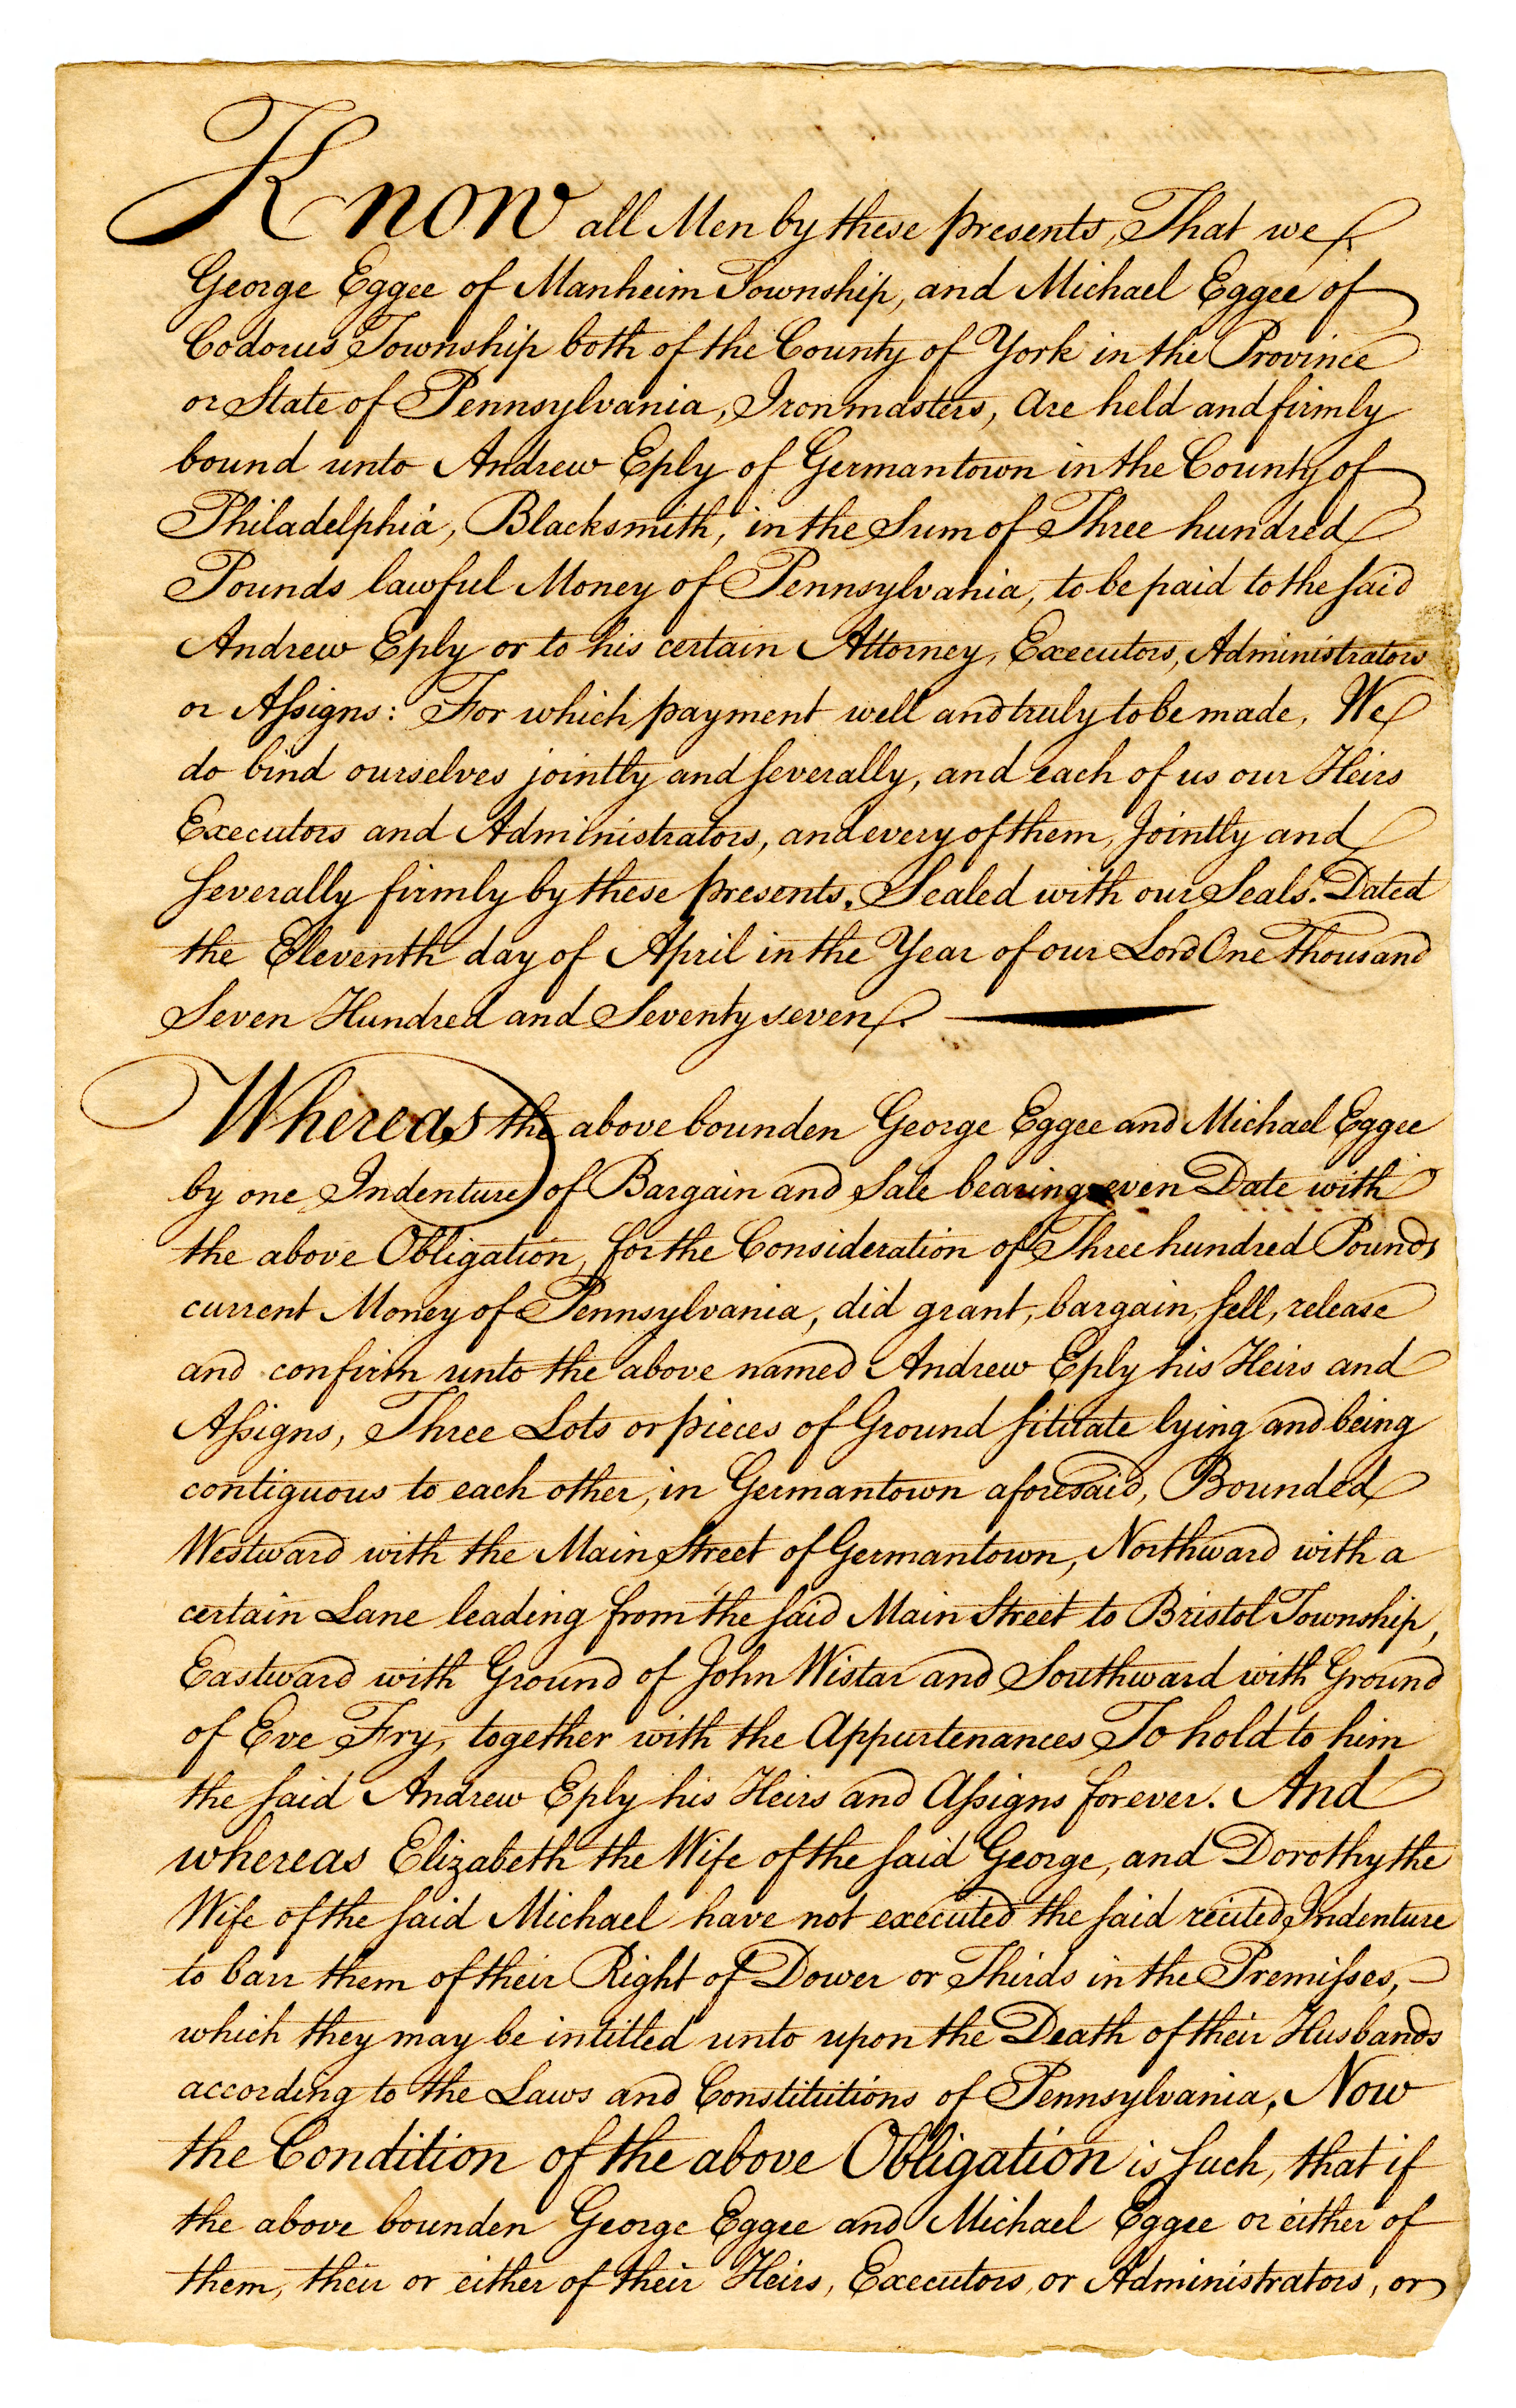Know all Men by these presents, That we,
George Eggee of Manheim Township, and Michael Eggee of
Codorus Township both of the Country of York in the Province
or State of Pennsylvania, Ironmasters, are held and firmly
bound unto Andrew Eply of Germantown in the County of
Philadelphia, Blacksmith, in the Sum of Three hundred
Pounds lawful Money of Pennsylvania, to be paid to the said
Andrew Eply or to his certain Attorney, Executors, Administrators
or Assigns: For which payment well and truly to be made, We
do bind ourselves jointly and severally, and each of us our Heirs
Executors and Administrators, and every of them, jointly and
Severally firmly by these presents, Sealed with our Seals. Dated
the Eleventh day of April in the Year of our Lord One Thousand
Seven Hundred and Seventy seven.-
Whereas the above bounden George Eggee and Michael Eggee
by one Indenture of Bargain and sale bearing even Date with
the above Obligation, for the Consideration of Three hundred Pounds
current Money of Pennsylvania, did grant, bargain, sell, release
and confirm unto the above named Andrew Eply his Heirs and
Assigns, Three Lots or pieces of Ground situate lying and being
contiguous to each other, in Germantown aforesaid, Bounded
Westward with the Main Street of Germantown, Northward with a
certain Lane leading from the said Main Street to the Bristol Township,
Eastward with Ground of John Wistar and Southward with Ground
of Eve Fry, together with the Appurtenances. To hold to him
the said Andrew Eply his Heirs and Assigns forever. And
whereas Elizabeth the Wife of the said George, and Dorothy the
Wife of the said Michael have not executed the said recited Indenture
to ban them of their Right of Dower or Thirds in the Premisses,
which they may be intitled unto upon the Death of their Husbands
according to the Laws and Constitutions of Pennsylvania. Now
the Condition of the above Obligation is such, that if
the above bounden George Eggee and Micheal Eggee or either of
them, their or either of their Heirs, Executors, or Administrators, or